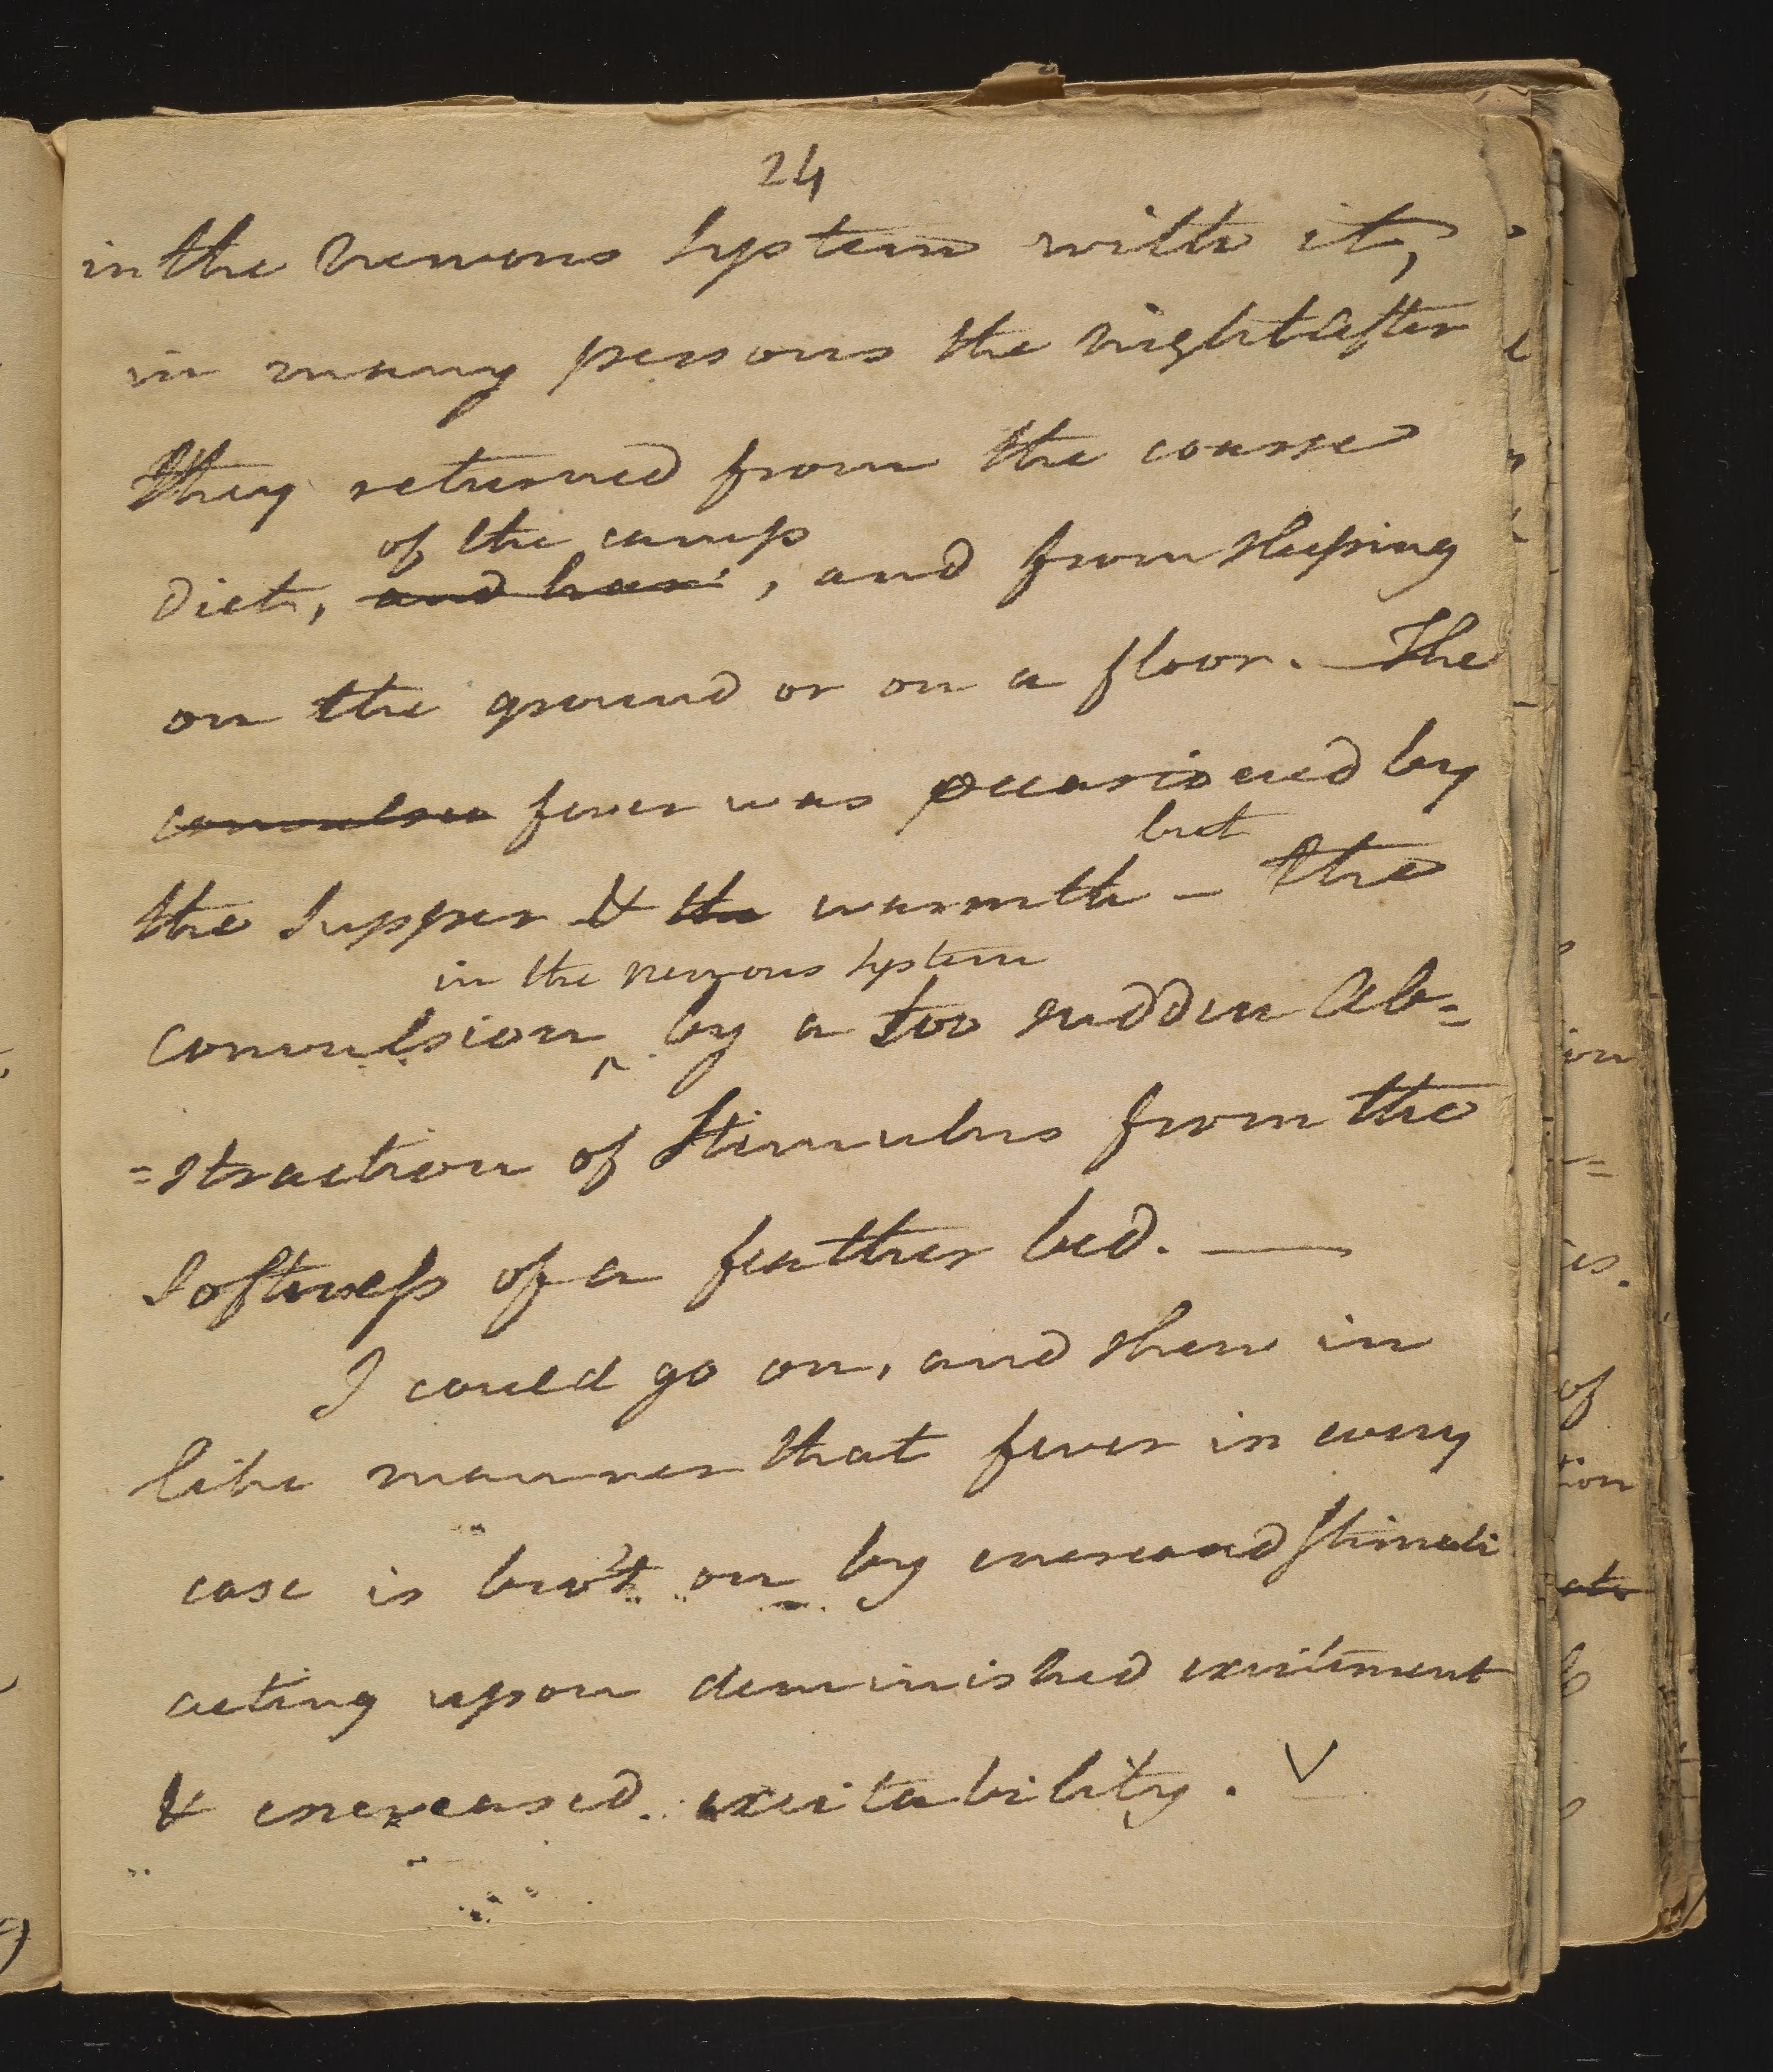24
in the nervous system with it,
in many persons in the night after
they returned from the coarse
diet, [and hav], and from sleeping
of the camp
on the ground or on a floor. The
[________] fever was precarisered by
but
the supper & [the] warmth- the
in the nervous system
convulsion ^ by a too sudden ab-
-straction of stimulus from the
softness of a feather bed.
I could go on, and then in
like manner that fever in every
case is bro't on by encreased stimuli
acting upon diminished excitement
& encreased excitability.